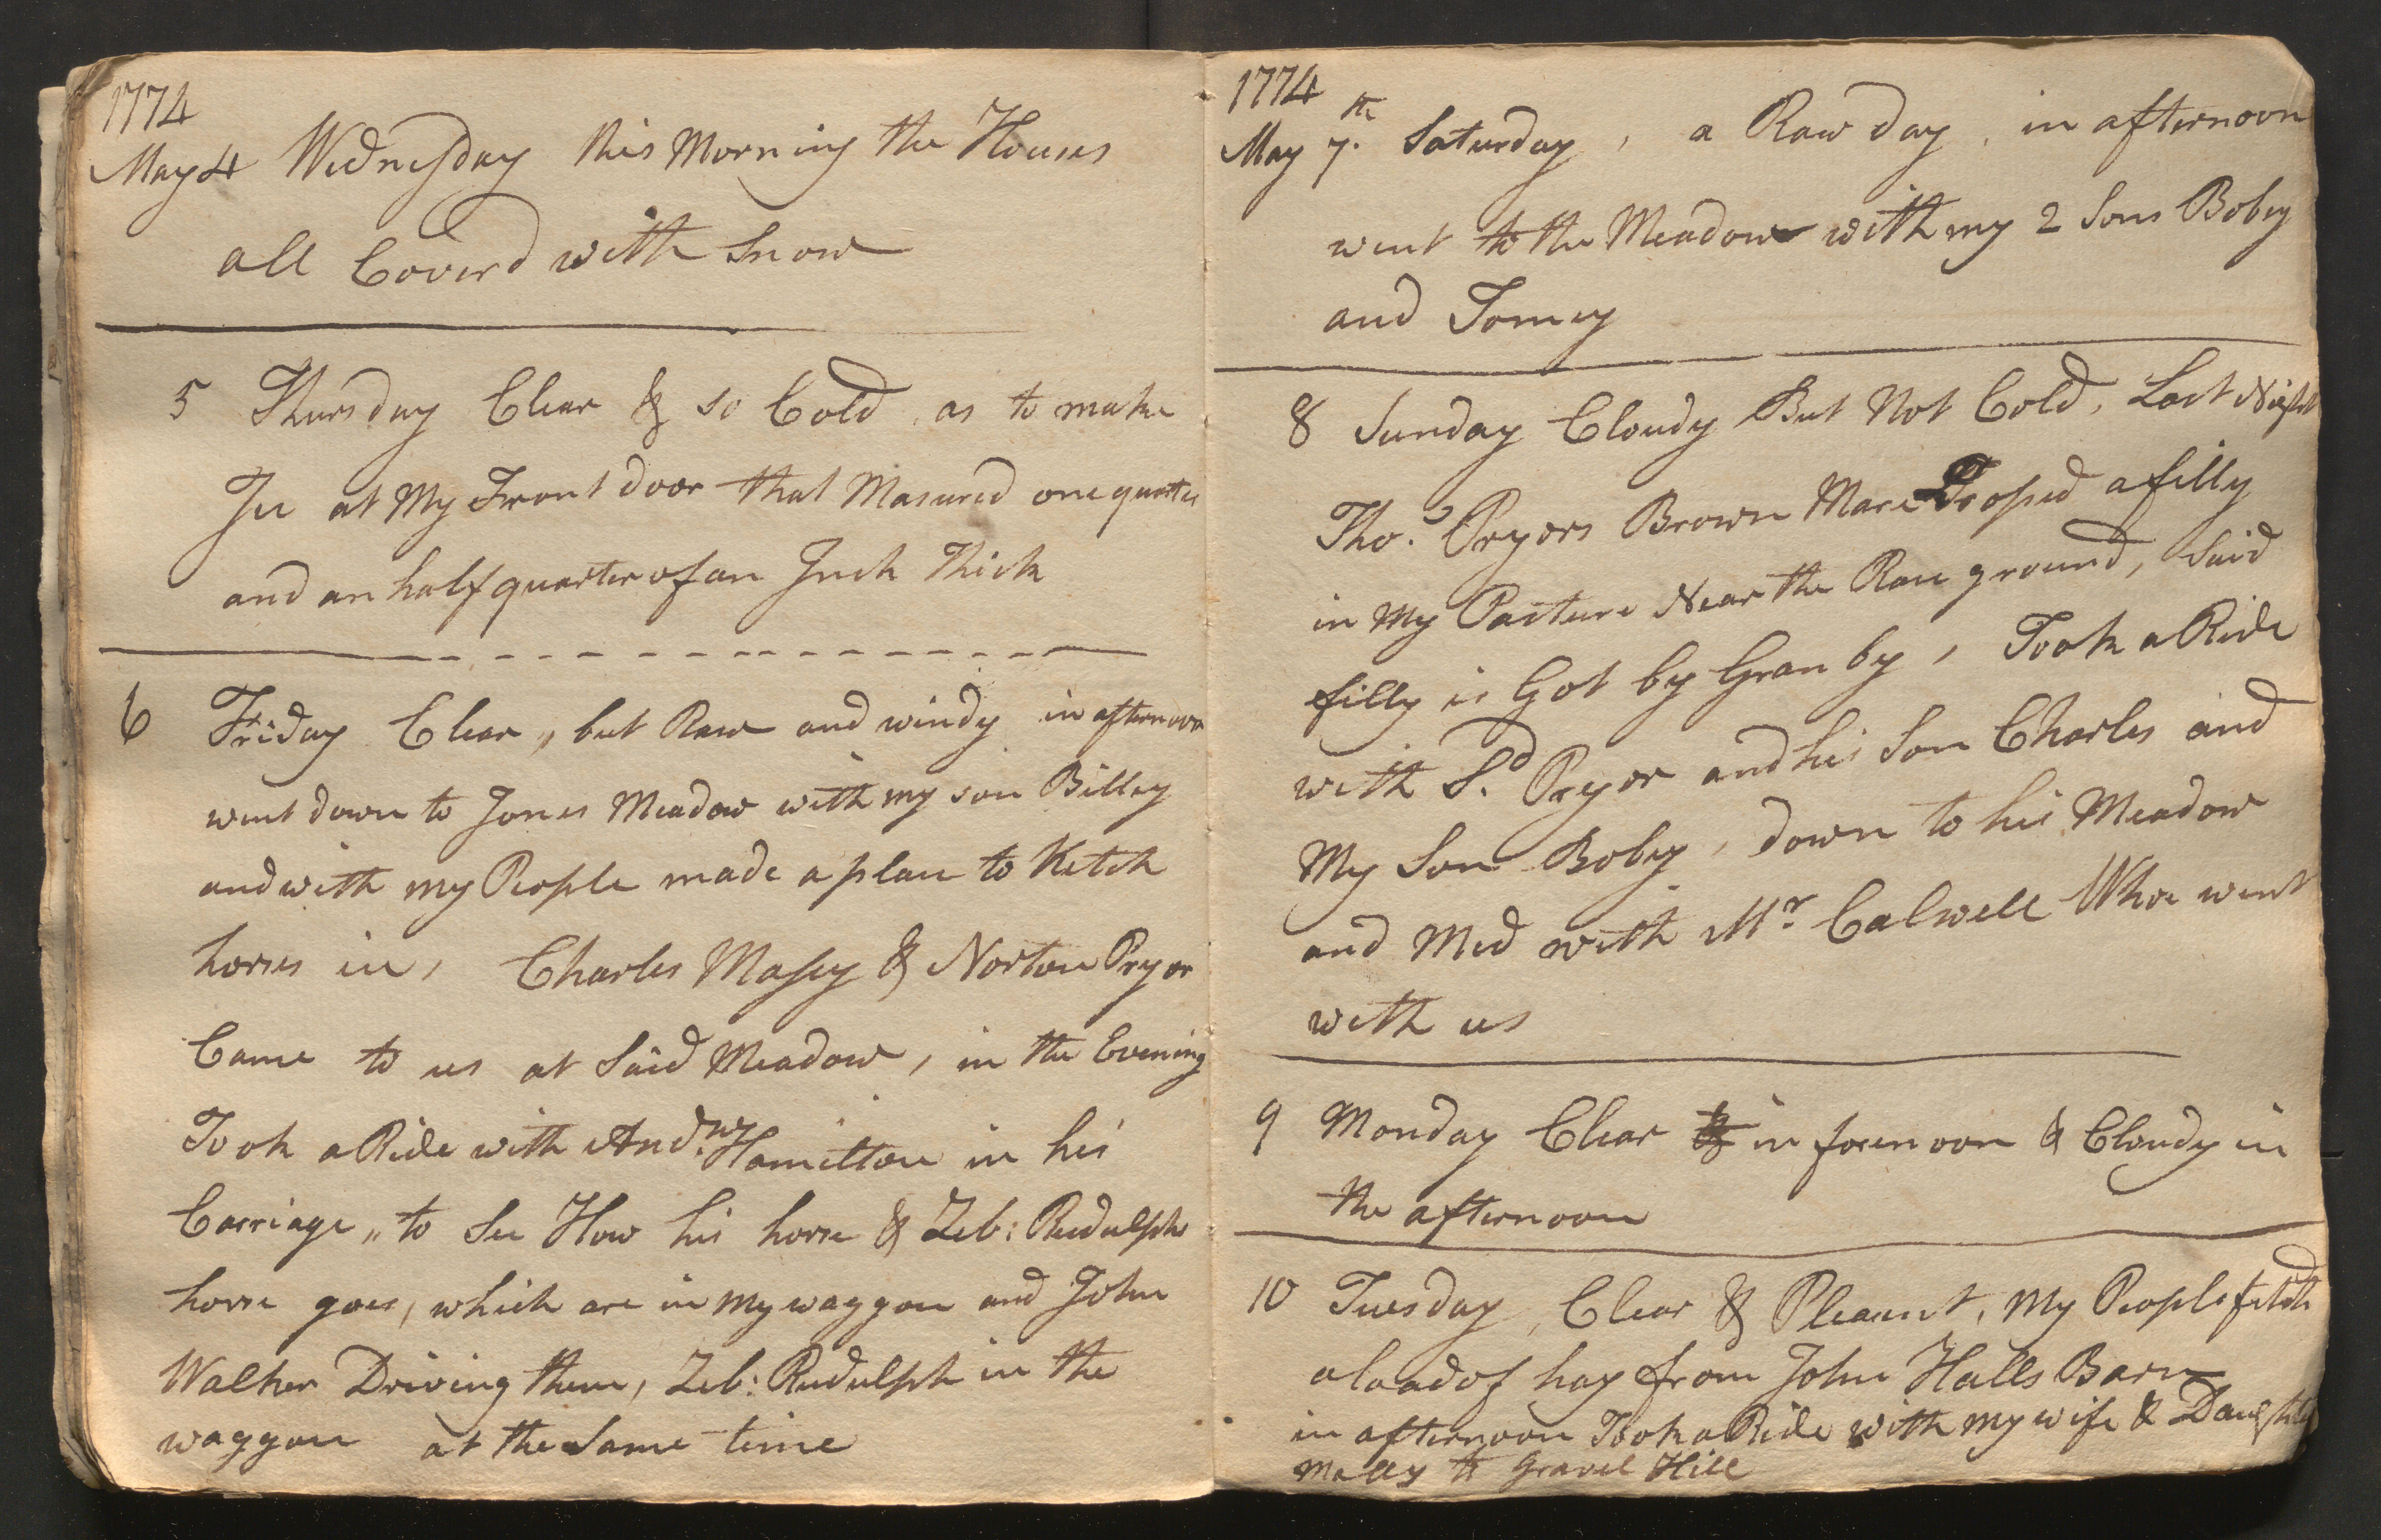1774
May 4 Wednesday this Morning the Houses
all Coverd with snow
5 Thursday Clear & so Cold, as to make
Ice at My Front door that Masured one quarter
and an half quarter of an Inch Thick
6 Friday Clear, but Raw and windy in afternoon
went down to Jones Meadow with my son Billey
and with my People made a plan to Kitch
horses in, Charles Masey & Norton Pryor
Came to us at Said Meadow, in the Evening
Took a Ride with And^w. Hamilton in his
Carriage, to see How his horse & Zeb. Rudulph
horse goes, which are in My waggon and John
Walker Driving them, Zeb. Rudulph in the
waggon at the Same time
May 7^th. Saturday, a Raw day in afternoon
1774
went to the Meadow with my 2 Sons Bobey
and Tomey
8 Sunday Cloudy But Not Cold, Last Night
Tho^s. Pryors Brown Mare Droped a filly
in My Pasture Near the Race ground, Said
filly is Got by Granby, Took a Ride
with S^d. Pryor and his Son Charles and
My Son Bobey, down to his Meadow
and Med with M^r. Calwell Whoe went
with us
9 Monday Clear [&] in forenoon & Cloudy in
the afternoon
10 Tuesday Clear & Pleasent, My People fetch^d
a load of hay from John Halls Barn
in afternoon Took a Ride with my wife & Daught
Molly to Gravel Hill